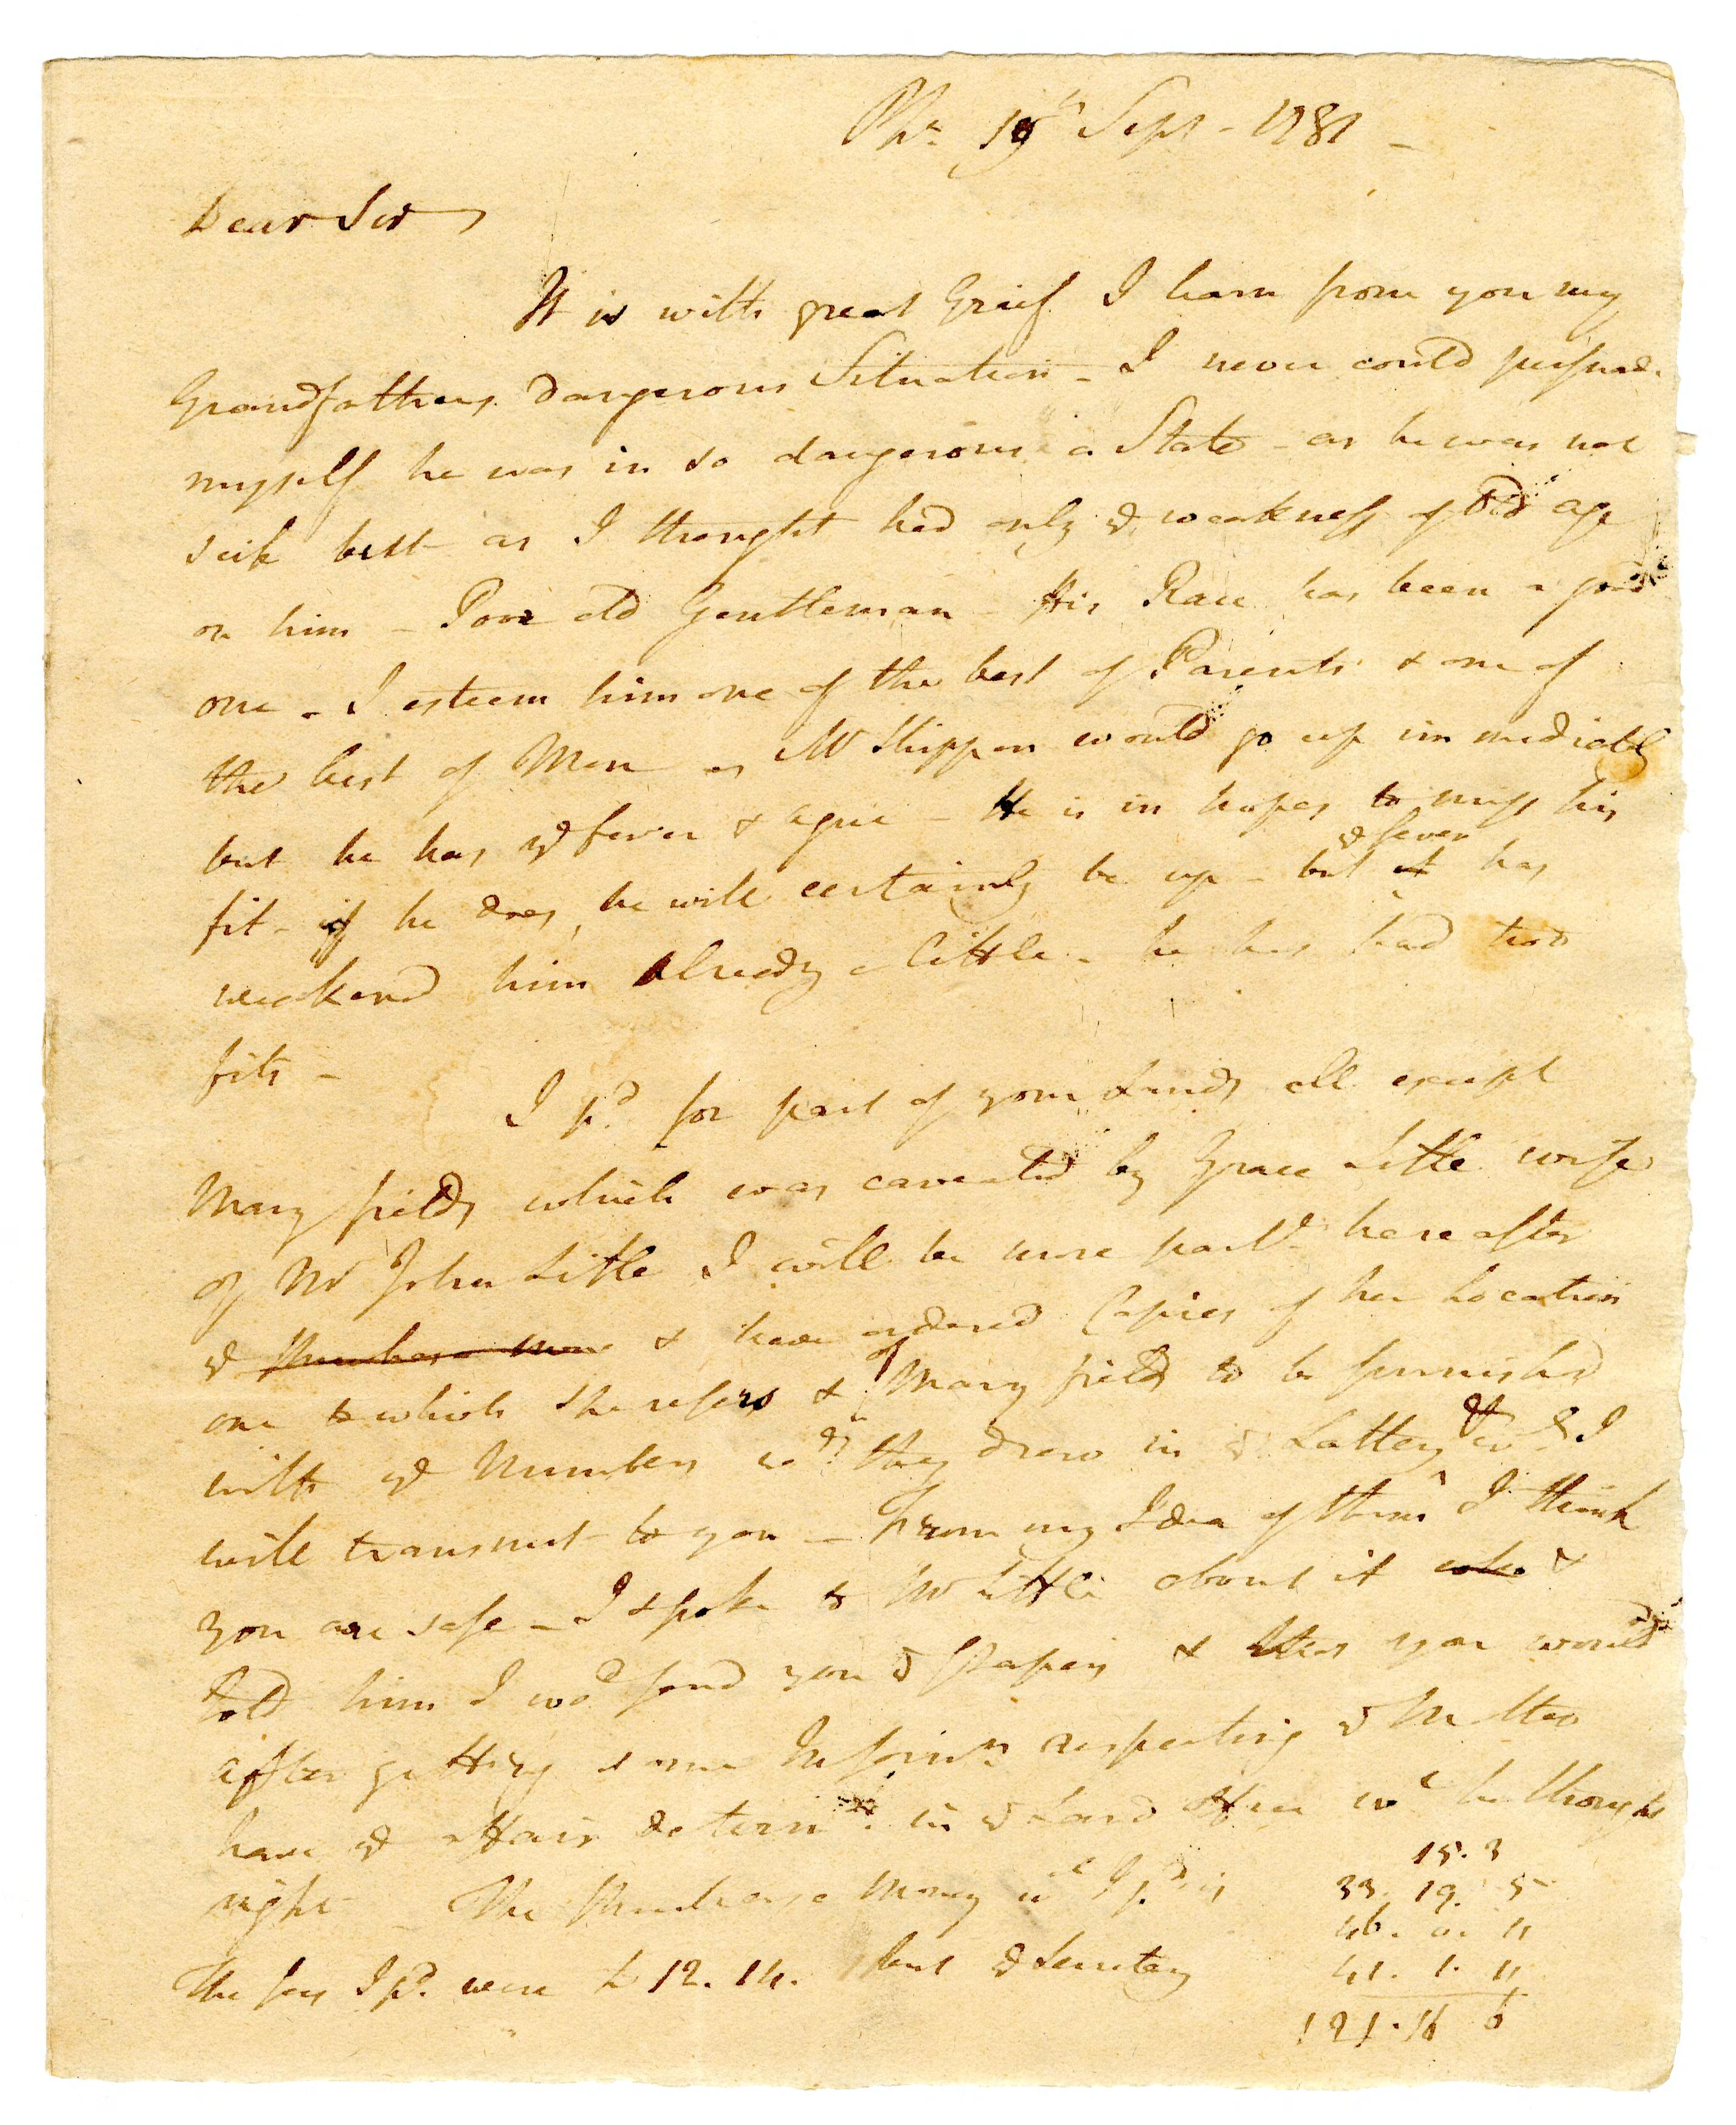Ph^a. 19^th Sept. 1781
Dear Sir
It is with great Grief I hear from you my
Grandfathers dangerous Situation. I never could persuade
myself he was in so dangerous a State- as he was not
sick but as I thought had only y^e weakness of Old Age
on him Poor old Gentleman. His Race bas been a good
one. I esteem him one of the best of Parents & one of
the best of Men. M^r Shippen would go up in in midialy
but he has y^e fever & ague. He is in hopes to miss his
y^e fever
fit if he does he will certainly be up but ^ it has
weakened him Already a little. he has had bad
fits.
I p^d. for part of your Lands all except
Mary fields which was caveated by Grace Litle wife
of M^r John Litle I will be more part^l here after
y^e she has now & have ordered Copies of her Location
of
one of which she refers & ^ Mary fields to be furnished
&
with y^e Numbers w^h. they draw in y^e Latter ^ I
will transmit to you. From my Idea of these I think
You are safe. I spoke to M^r Litle about it who &
told him I wo^d send you a Paper & that you would
after getting some Inform^n respecting y^e Matters
have y^e affair return in y^e Land affair w^h he thought
right. The Mortage Money is p^d.
33.19.5
15.3
46. 0. 11
The fees I p^d. were £12.14 but surety
41. 1 . 11
191. 16. 6